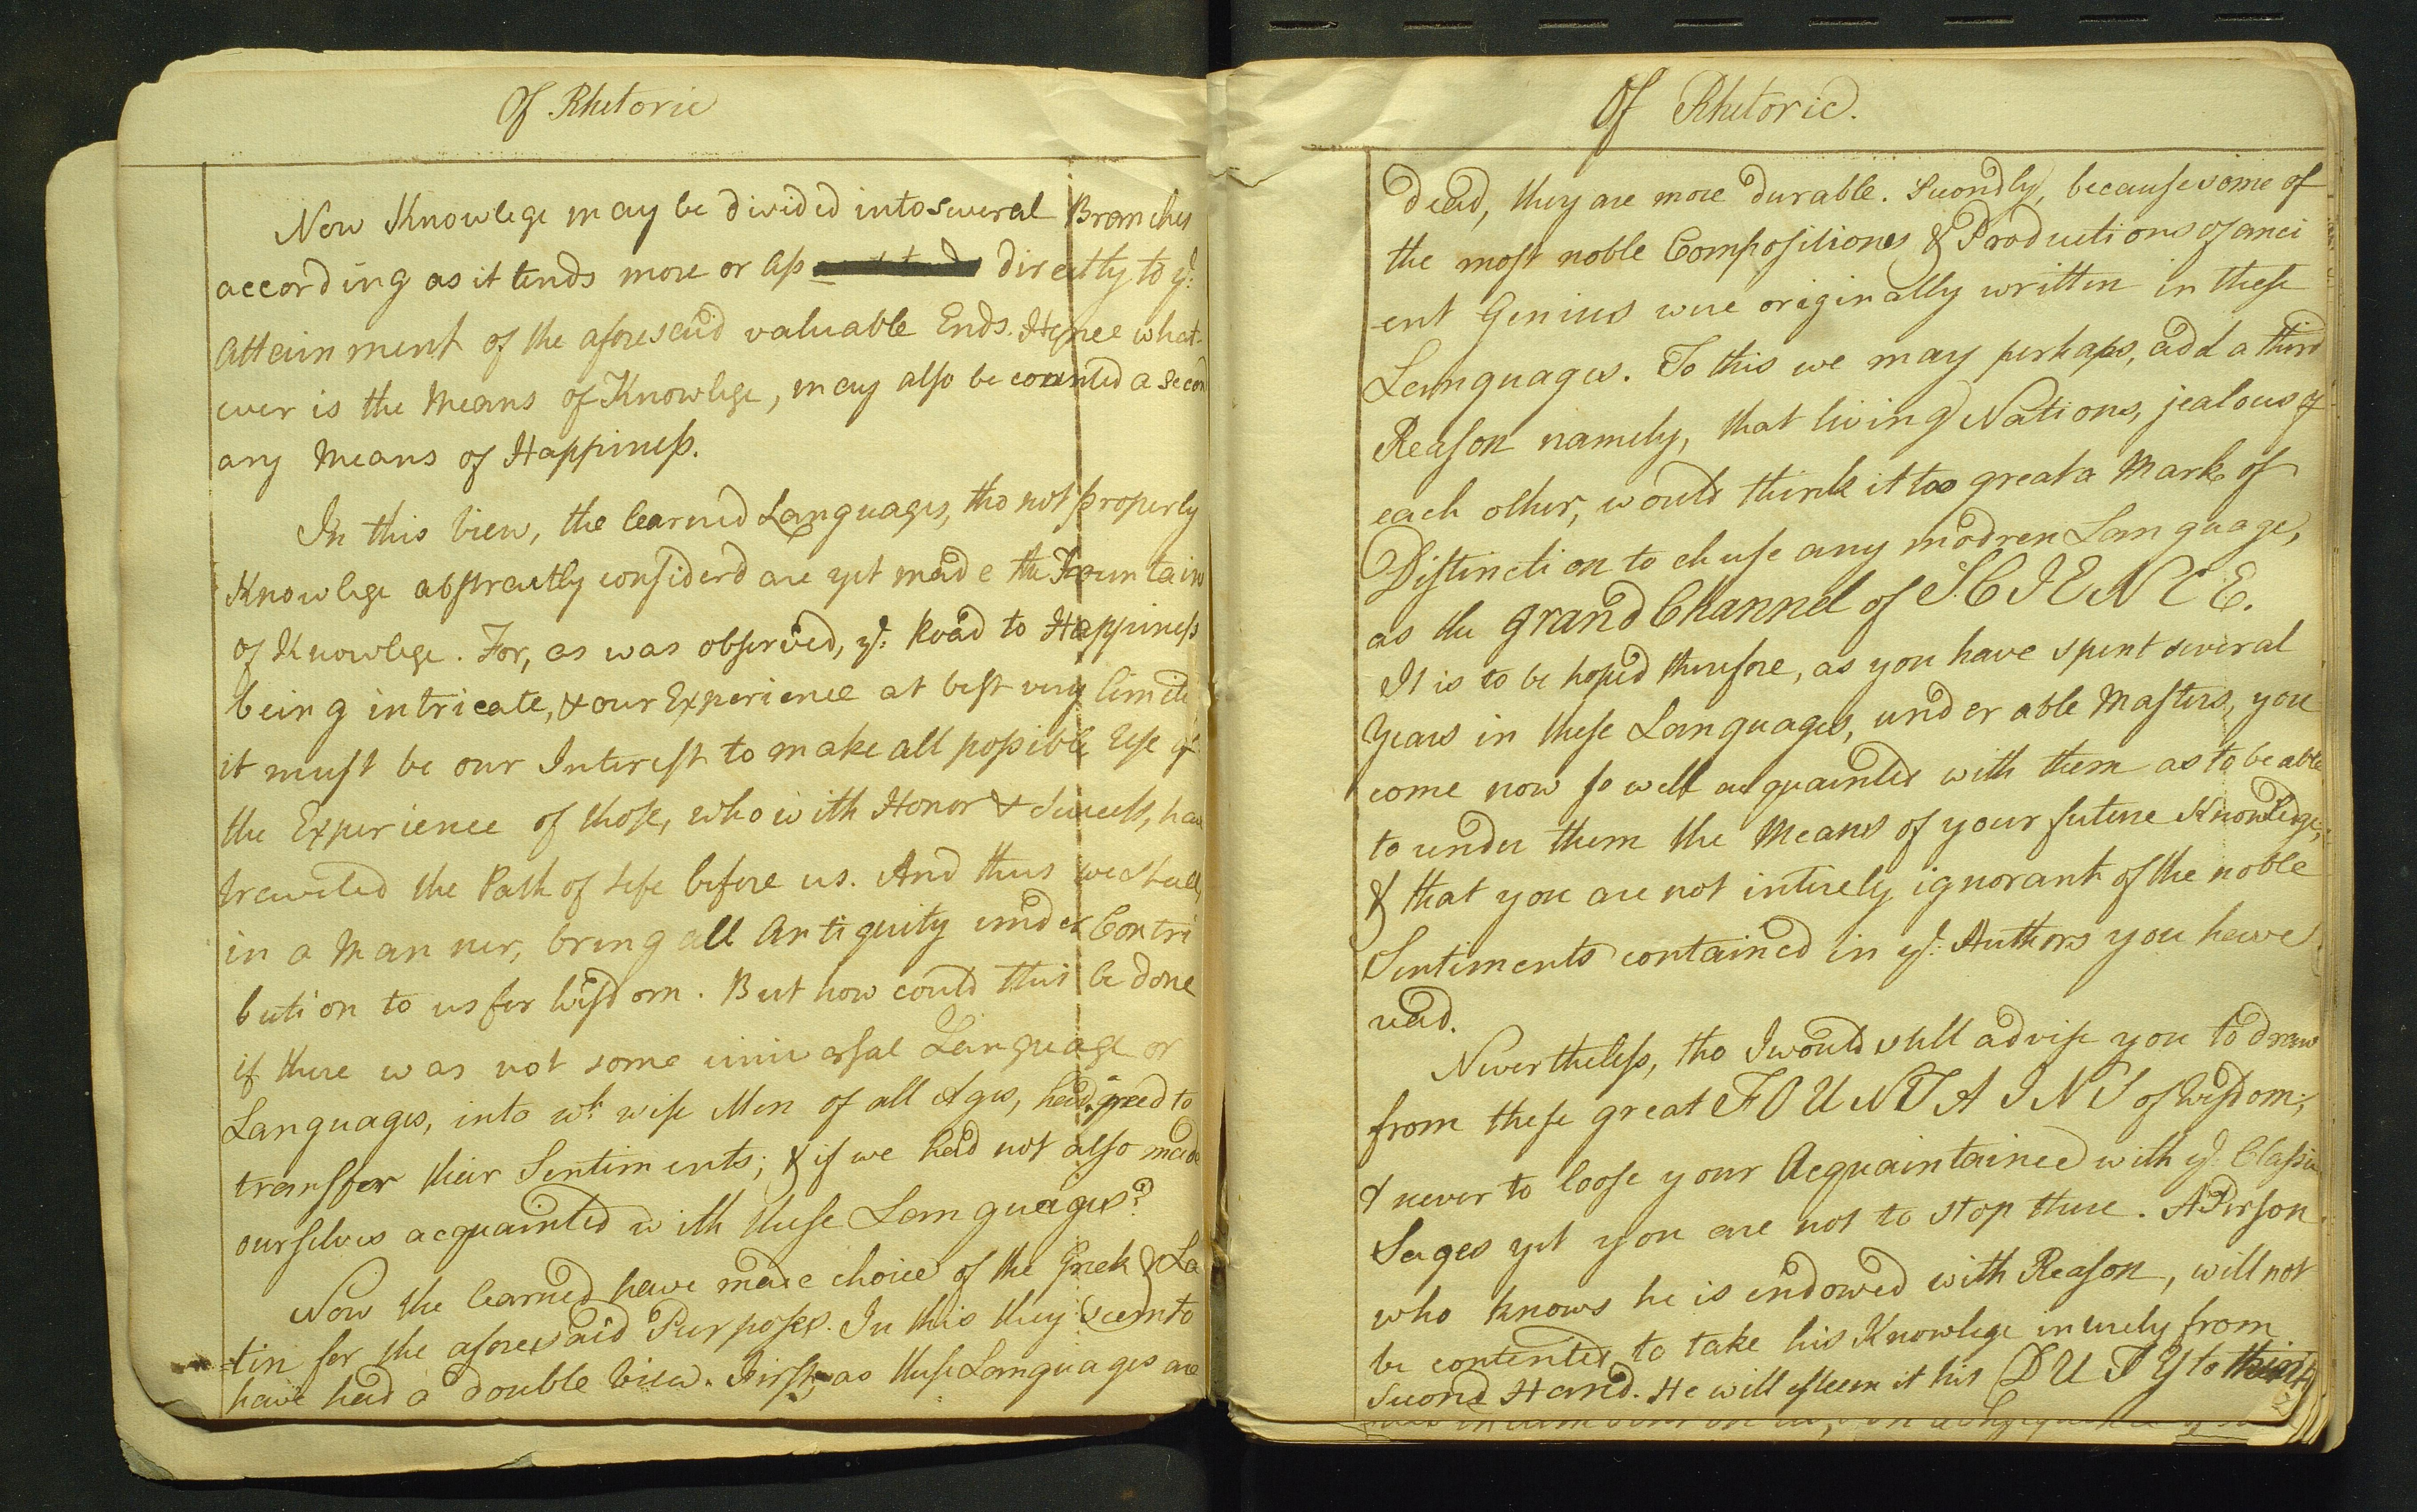Of Rhetoric
New knowledge may be divided into several Branches
according as it tends more or ap [________] directly to y^e:
attainment of the aforesaid valuable Ends. Hence what
ever is the means of Knowledge, may also be counted a second
ary means of Happiness.
In this View, the learned Languages, tho not properly
knowledge abstractly consider'd are yet made the Fountain
of Knowledge. For, as was observed, y^e: Road to Happiness
being intricate, & our Experience at best very limited
it must be our Interest to make all possible use of
the Experience of those, who with Honor & Success, have
traveled the Path of Life before us. And thus we shall,
in a manner, bring all Antiquity under Contri
bution to us for wisdom. But how could this be done
if there was not some universal Language or
Languages, into w^h. wise Men of all Ages, had ^a greed to
transfer their Sentiments; & if we had not also made
ourselves acquainted with these Languages?
Now the learned have made choice of the Greek & La
-tin for the aforesaid Purposes. In this they seem to
have had a double view. First as these Languages are
Of Rhetoric.
dead, they are more durable. Secondly, because some of
the most noble Compositions & Productions of anci
-ent Genius were originally written in these
Languages. To this we may perhaps, add a third
Reason namely, that living Nations, jealous of
each other, would think it too great a Mark of
Distinction to chuse any modren Language,
as the grand Channel of SCIENCE.
It is to be hoped therefore, as you have spent several
years in these Languages, under able Masters, you
come now so well acquainted with them as to be able
to render them the Means of your future Knowledge,
& that you are not intirely ignorant of the noble
Sentiments contained in y^e. Authors you have
read.
Nevertheless, tho I would well advise you to draw
from these great FOUNTAINS of Wisdom;
& never to loose your Acquaintaince with y^e Classic
Sages yet you are not to stop there. A Person
who knows he is endowed with Reason, will not
be contented to take his knowledge intirely from
second Hand. He will esteem it his DUTY to think